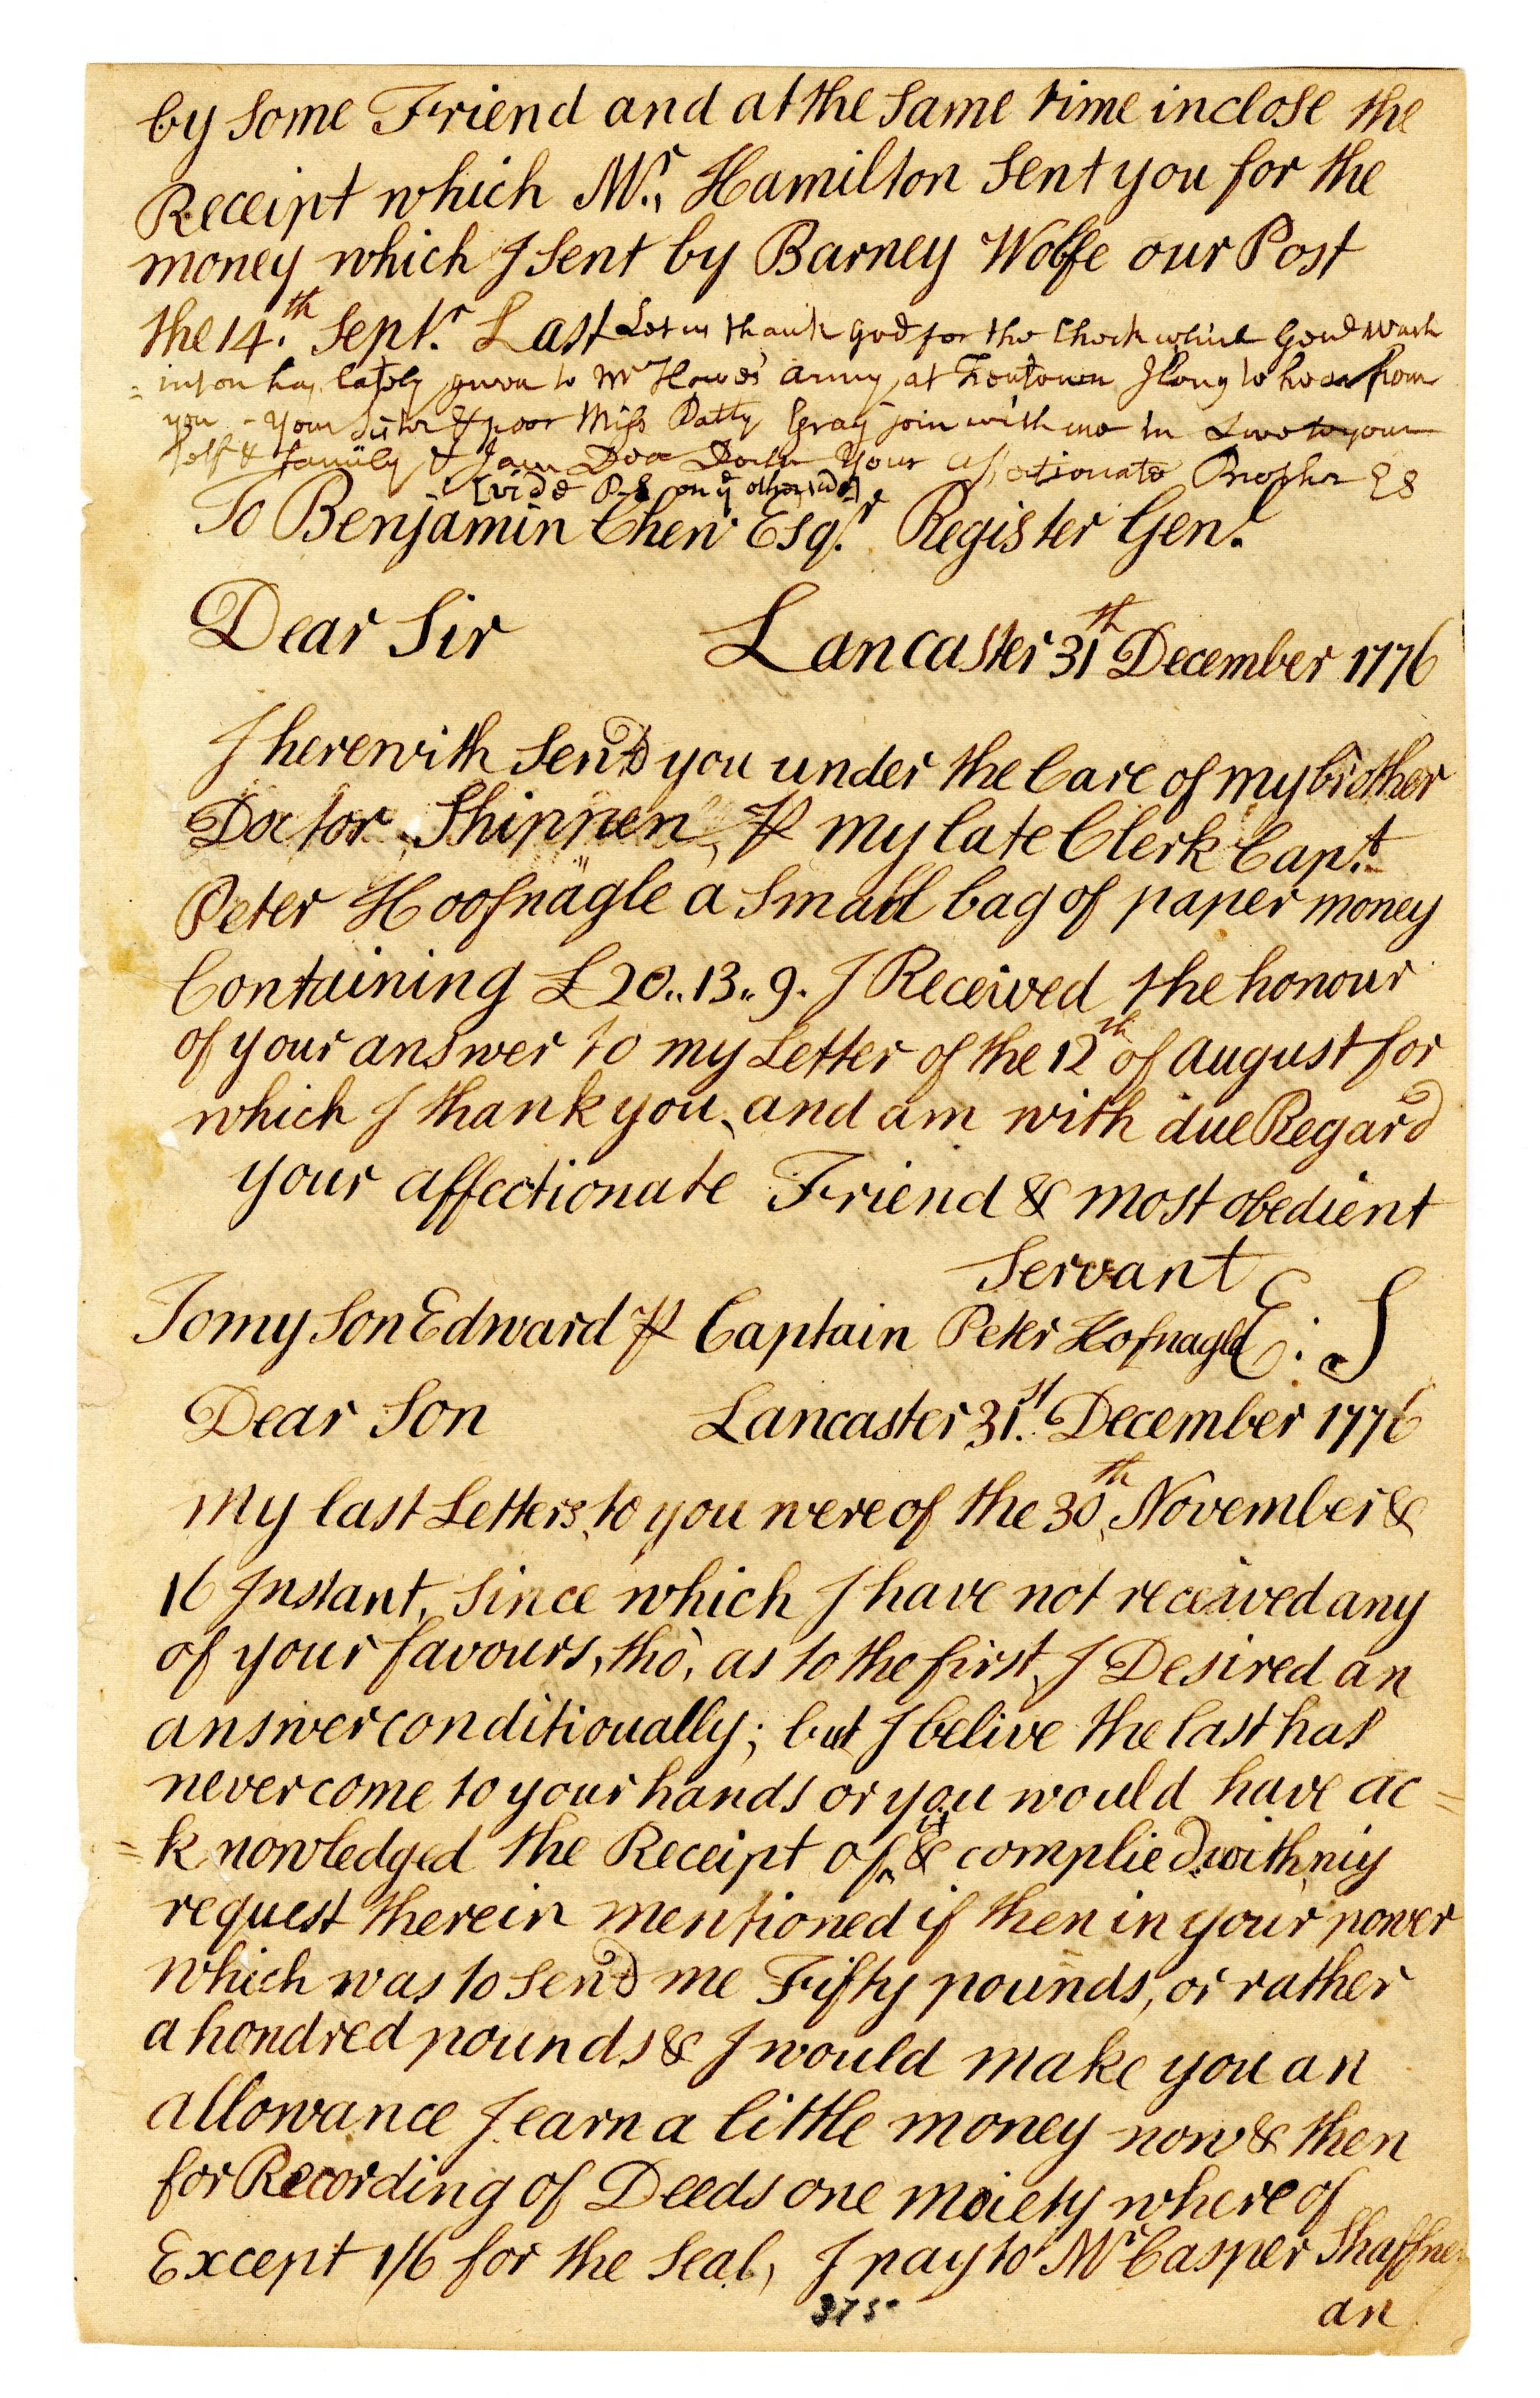by some Friend and at the same time inclose the
Receipt which M^r. Hamilton Sent you for the
money which I Sent by Barney Wolfe our Post
the 14^th. Sept^r. Last Let us thank God for the Check which Gen^l Wash
-inton has lately given to M^r Howes' Army, at Floutown I long to hear from
you- Your Sister & poor Miss Patty Gray join with me in Love to your
self & family
I am Dear Doter Your Affectionate Brother
ES
(ride PS on y^e other side)
To Benjamin Chew Esq^r. Register Gen^l.
Dear Sir
Lancaster 31^th December 1776
I herewith Send you under the Care of My brother
Doc for Shippen, per My late Clerk Cap^t.
Peter Hoofnagle a Small bag of paper money
Containing £20..13..9. I Received the honour
of Your answer to my Letter of the 12^th of August for
which I thank you,
and am with due Regard
Your affectionate Friend & most obedient
Servant
E:S
To my Son Edward per Captain Peter Hofnagle
Dear Son
Lancaster 31.^st December 1776
My last Letters to you were of the 30^th November &
16 Instant, Since which I have not received any
of Your favours, tho', as to the first I Desired an
answer conditionally; but I belive the last has
never come to your hands or you would have ac-
it
-knowledged the Receipt of ^ & complied with niy
request therein mentioned if then in your power
which was to send me Fifty pounds, or rather
a hundred pounds & I would make you an
Allowance I earn a little money now & then
for Recording of Deeds one moiety whereof
Except 1/6 for the Seal, I pay to M^r Casper Shaffner
an